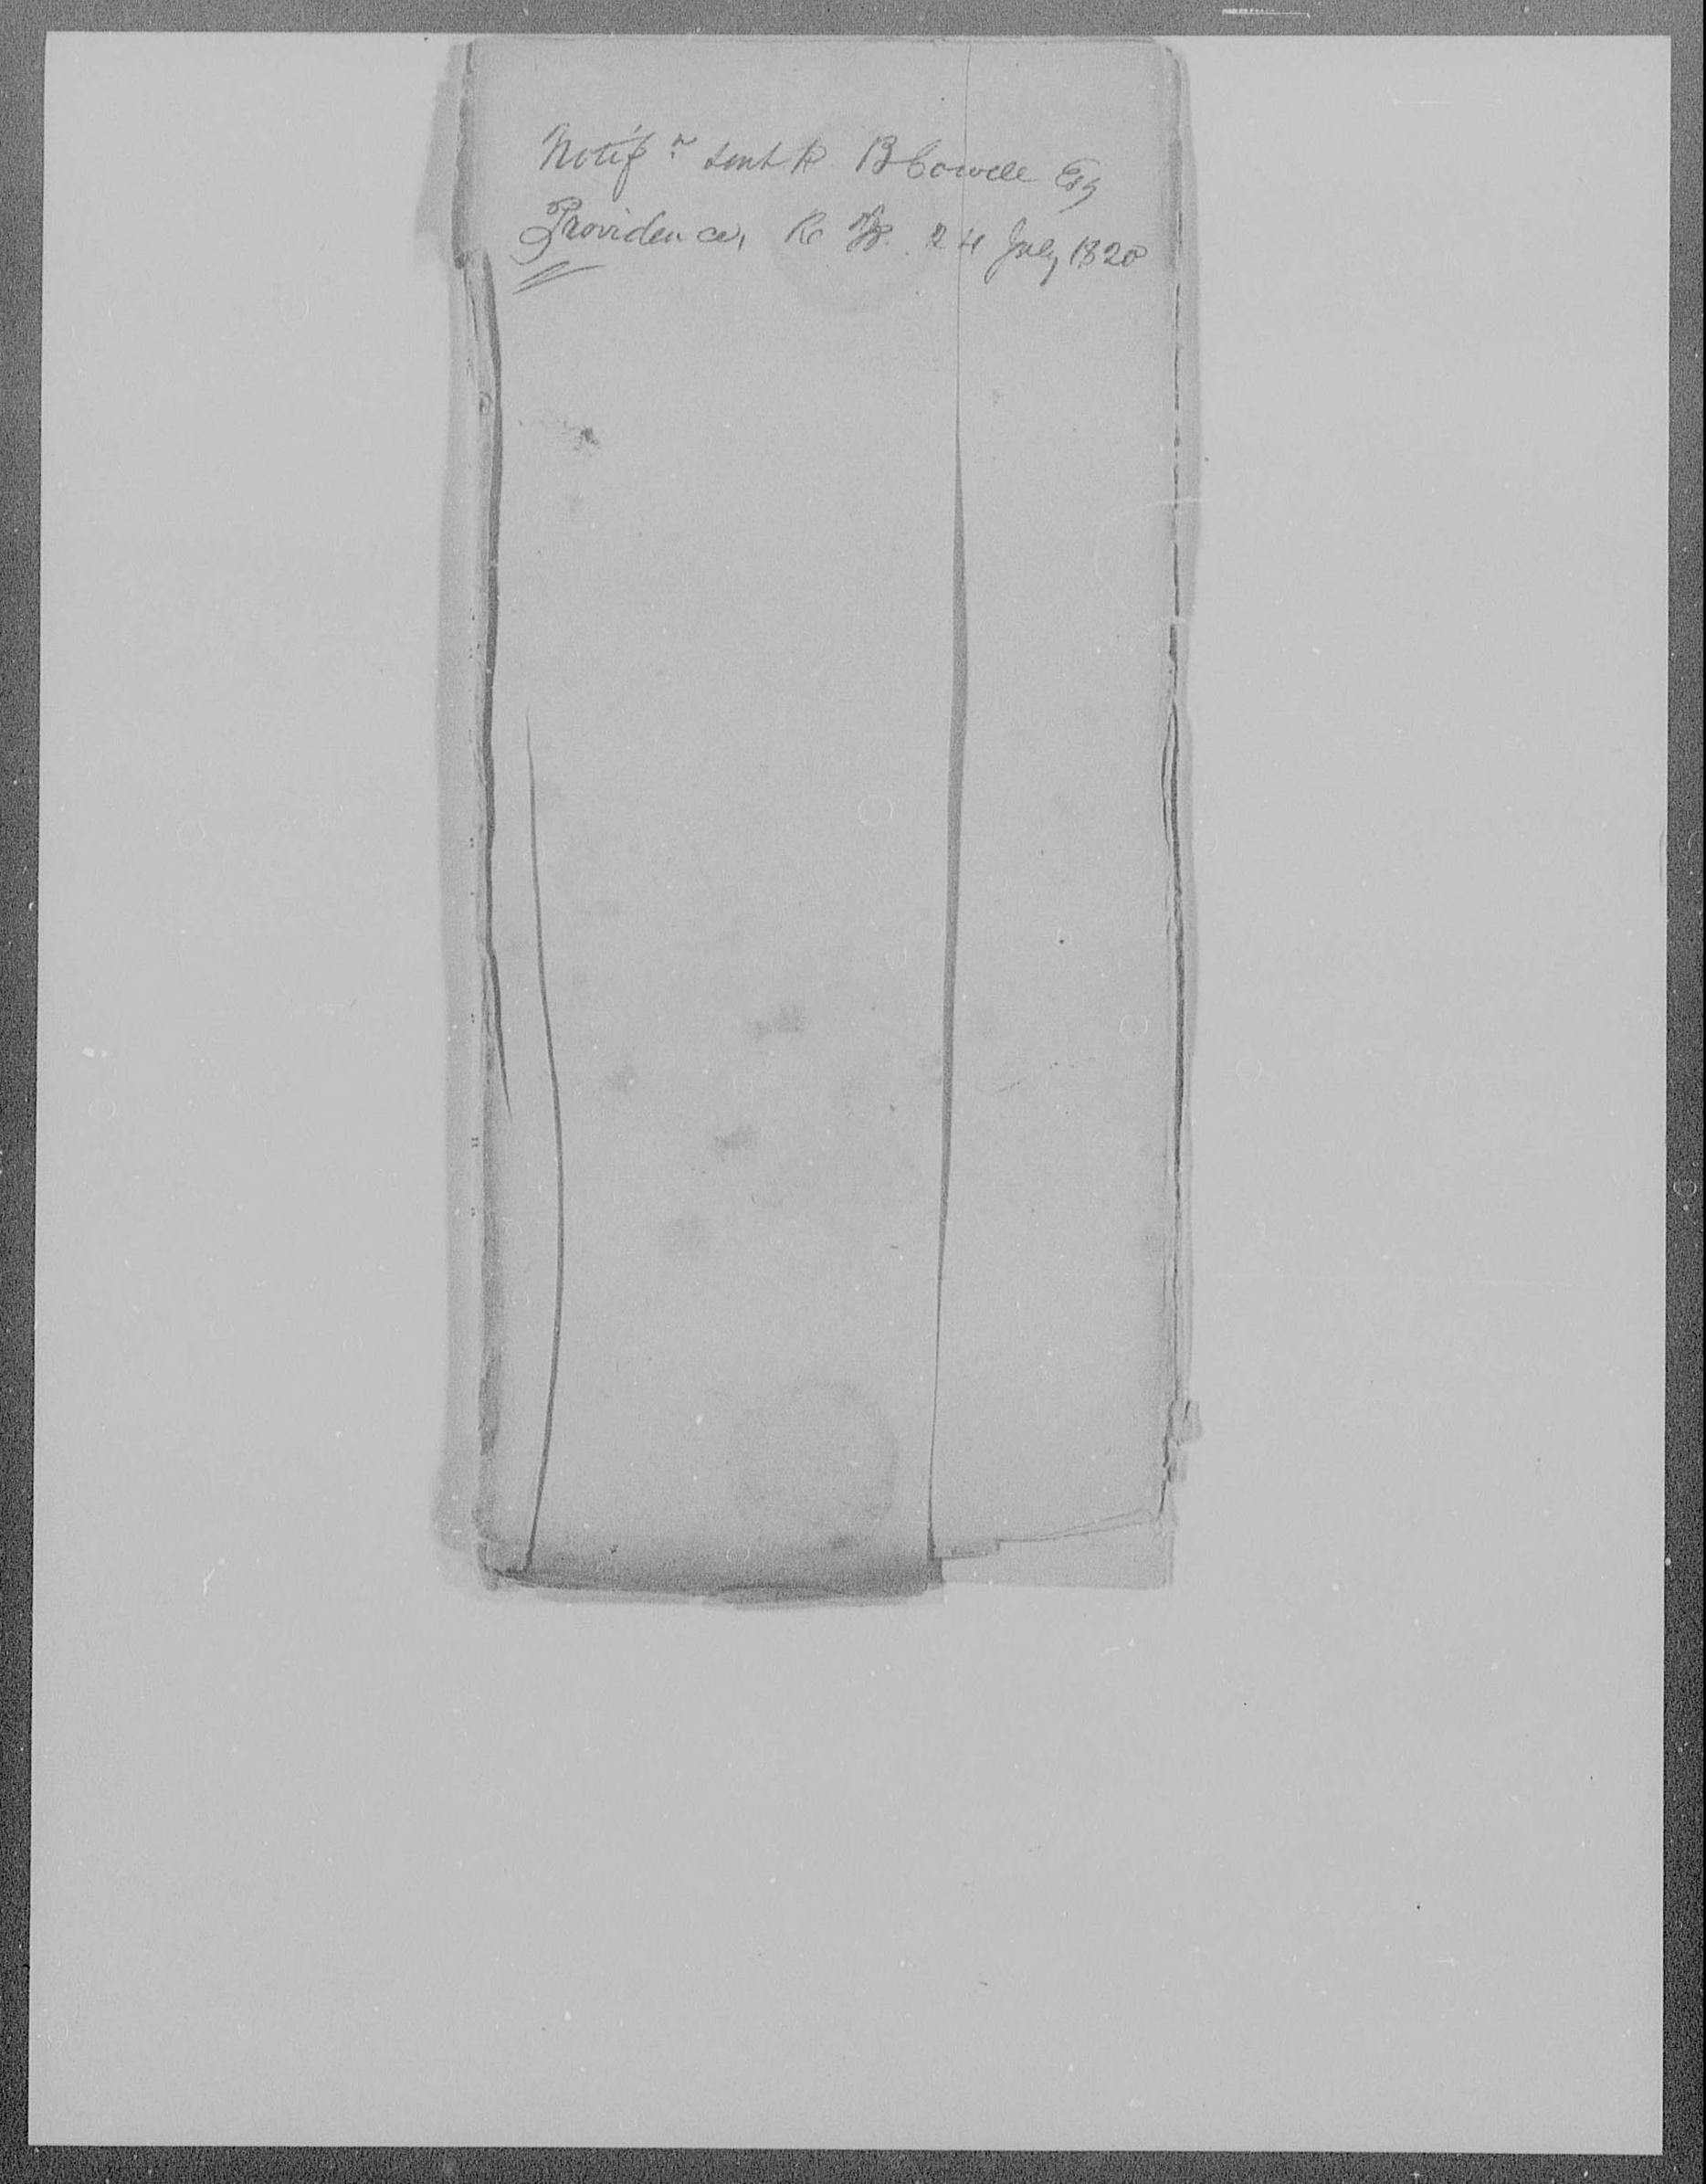Notif^n sent to B Cowell Esq
Providence, R [I P P?] 24 July 1820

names: B Cowell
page: 3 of 12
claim: survivor's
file: S. 38579, Giles Brownell, Continental (R.I.) Navy